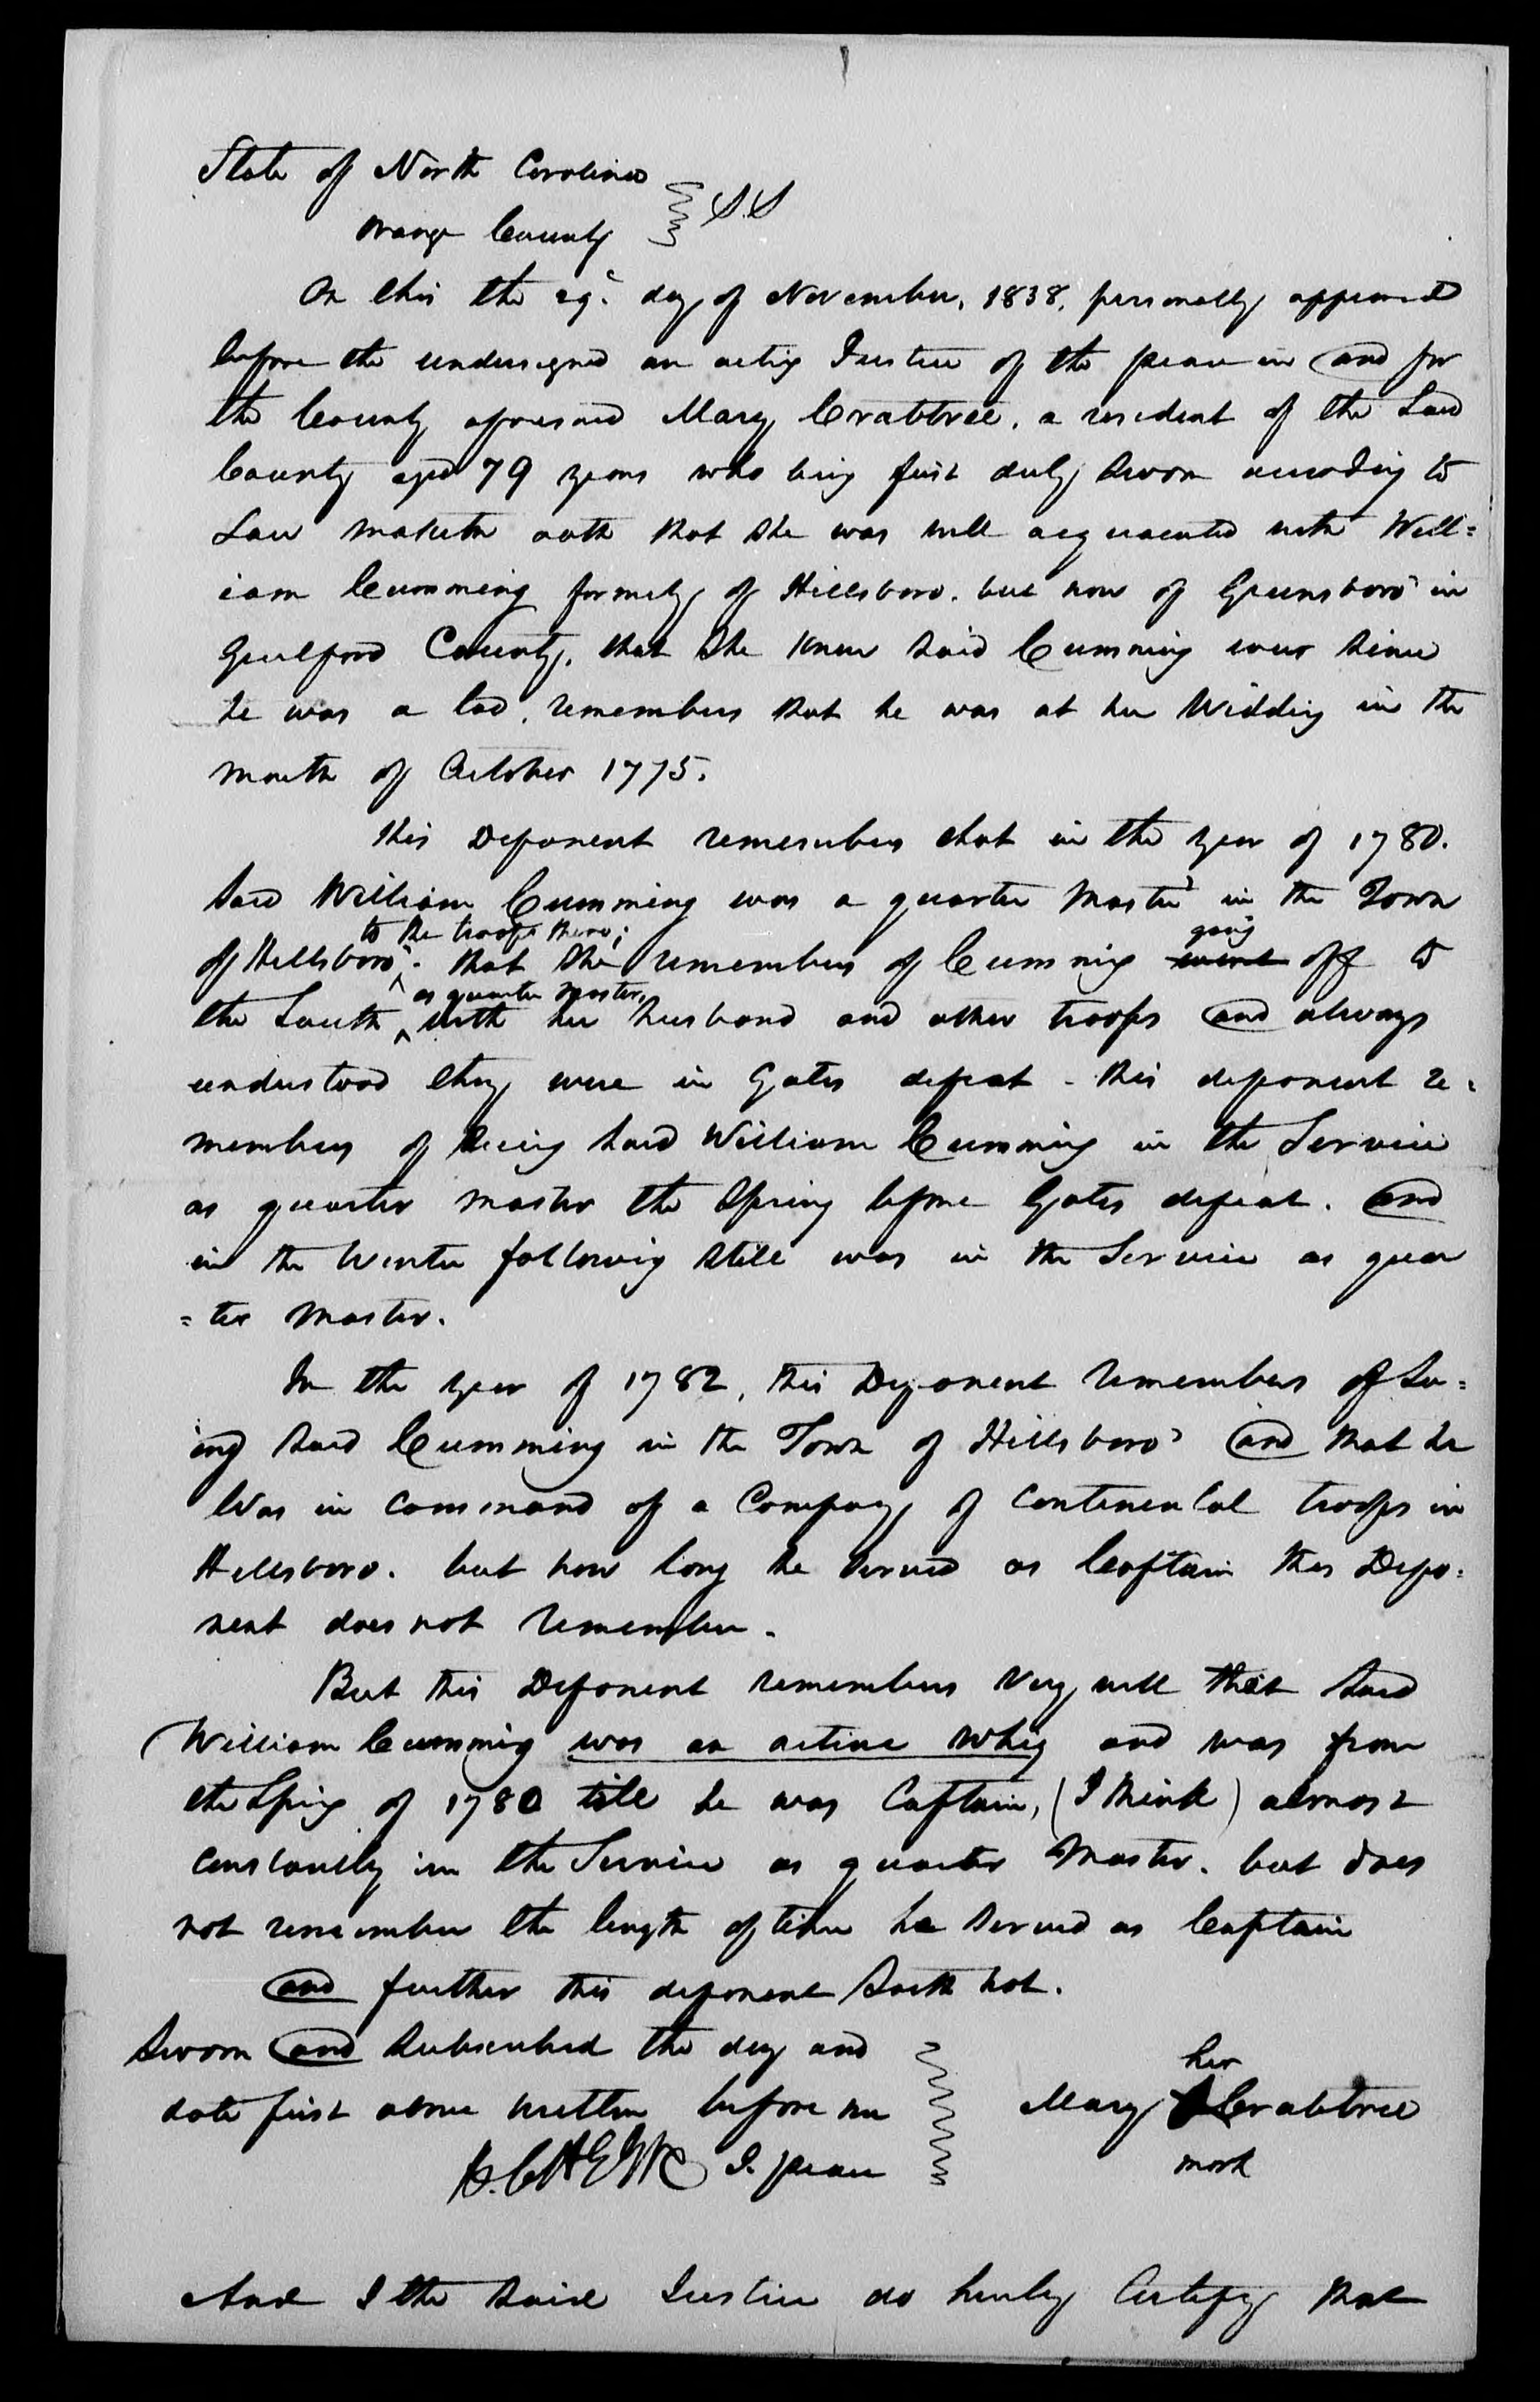[Handwritten record.  First page of Mary Crabtree's statement.]

State of North Carolina)
Orange County) SS

On this the 29th day of November, 1838, personally appeared before the undersigned an acting Justice of the peace in and for the County aforesaid Mary Crabtree, a resident of the Said County aged 79 years who being first duly Sworn according to Law Maketh oath that She was well acquainted with William Cumming formerly of Hillsboro, but now of Greensboro' in Guilford County. that She Knew Said Cumming ever Since he was a lad, remembers that he was at her Wedding in the Month of October 1775. 

This Deponent remembers that in the year of 1780. Said William Cumming was a quarter Master in the Town of Hillsboro ^ to the troops there; that She remembers of Cumming [here the word "went' was stricken through, and the following word written above:] ^going off to the South ^ as quarter Master, with her husband and other troops and always understood they were in Gates defeat - this deponent remembers of seeing Said William Cumming in the Service as quarter Master the Spring before Gates defeat. and in the Winter following Still was in the Service as quarter Master.

In the Year of 1782, this Deponent Remembers of Seeing Said Cumming in the Town of Hillsboro' and that he Was in Command of a Company of Continental troops in Hillsboro. but how long he Served as Captain This Deponent does not Remember.

But this Deponent remembers Very well this Said William Cumming [here the next four words are underlined] was an active Whig and was from the Spring of 1780 [?] till he was Captain, (I think) almost constantly in the Service as quarter Master. but does not remember the length of time he Served as Captain and further this deponent Saith not.

[Signature as Mary Crabtree making her mark.] Mary [her X mark] Crabtree

Sworn and Subscribed the day and)
date first above written before me) 
[Here there is a string of six nearly illegible letters, which could be read as B C HERK  followed by:] J peace [Justice of the Peace])

And I the Said Justice do hereby Certify that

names: Mary Crabtree, William Cumming, Cumming, Gates, B C Herk, Cumming, William Cumming, William Cumming, William Cumming, Mary Crabtree, Cumming, Gates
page: 124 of 145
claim: survivor's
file: S. 8265, William Cumming, N.C.